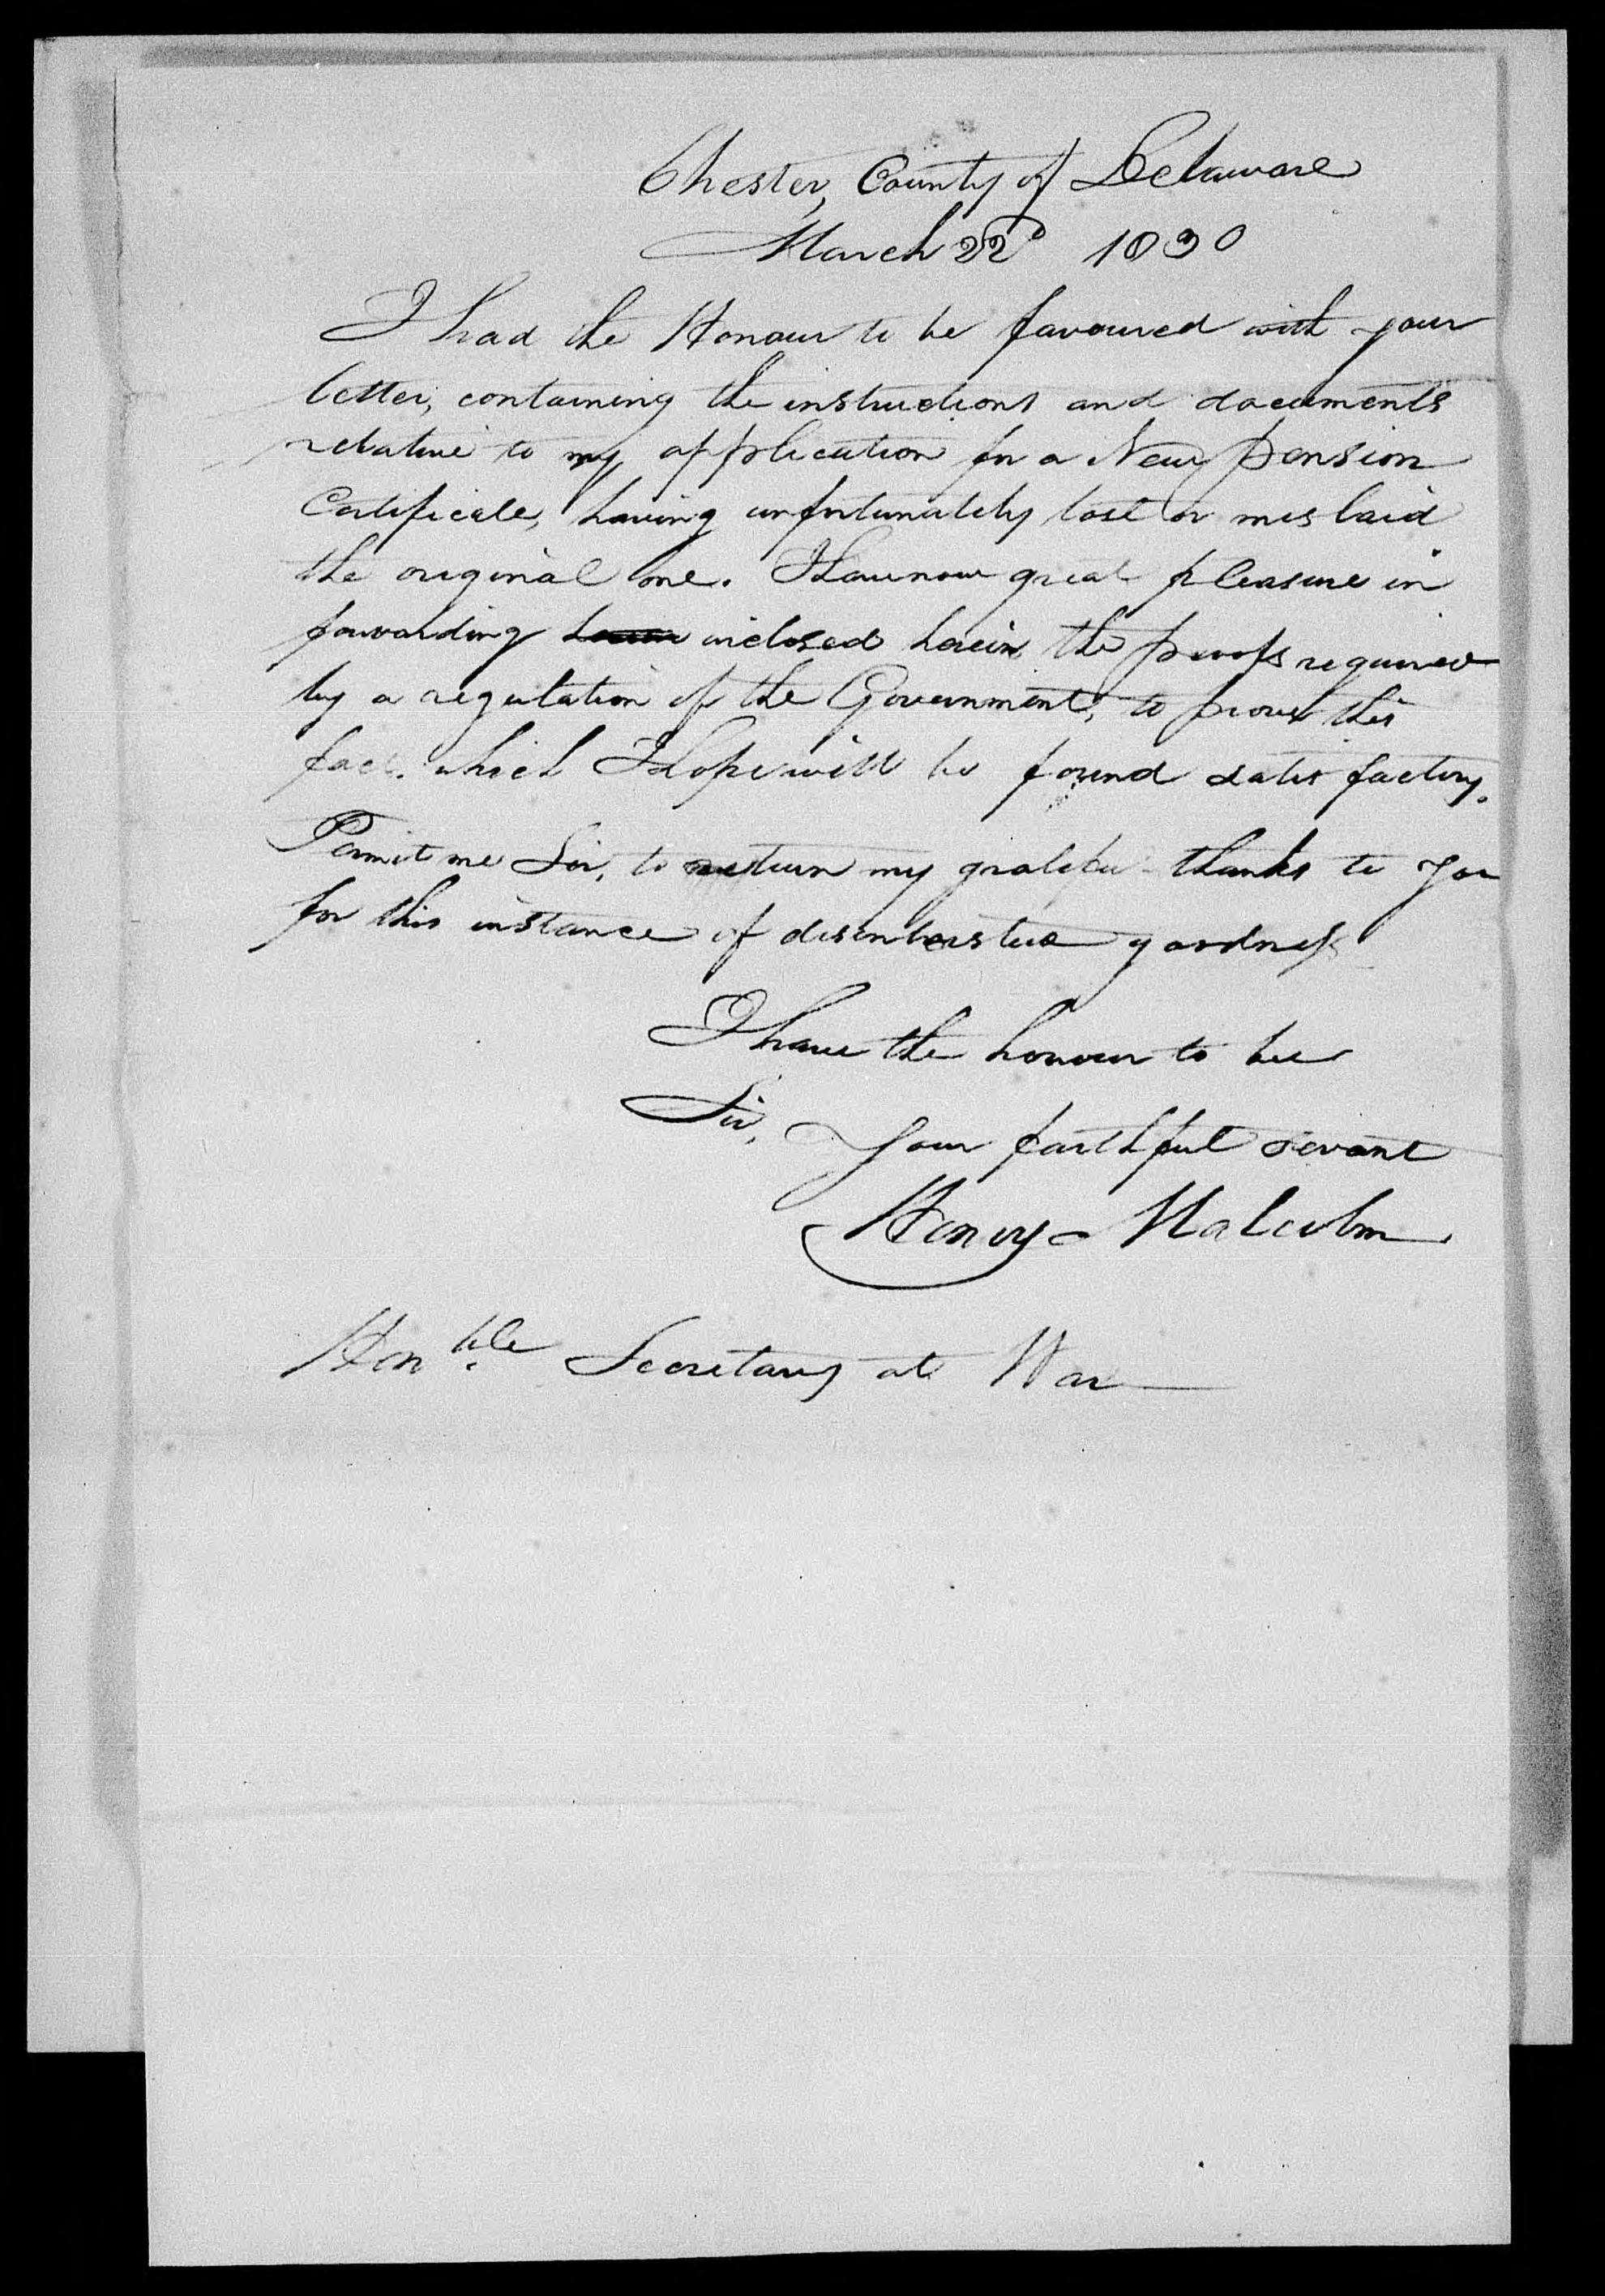Chester County of Delaware
March 22d 1830
I had the Honour [honor] to be favored with your letter, containing the instructions and documents relative to my application for a New Pension Certificate, having unfortunately lost or mislaid the original one. I have now great pleasure in forwarding inclosed [enclosed] herein the proofs required by a regulation of the Government, to prove this fact which I hope will be found satisfactory.
Permit me sir, to return my grave thanks to you for this instance of [illegible] goodness
I have the honor to be Sir, your faithful servant
Henry Malcolm

Honble. [Honorable] Secretary at War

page: 16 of 28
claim: survivor's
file: S. 5,048, for Henry Malcolm